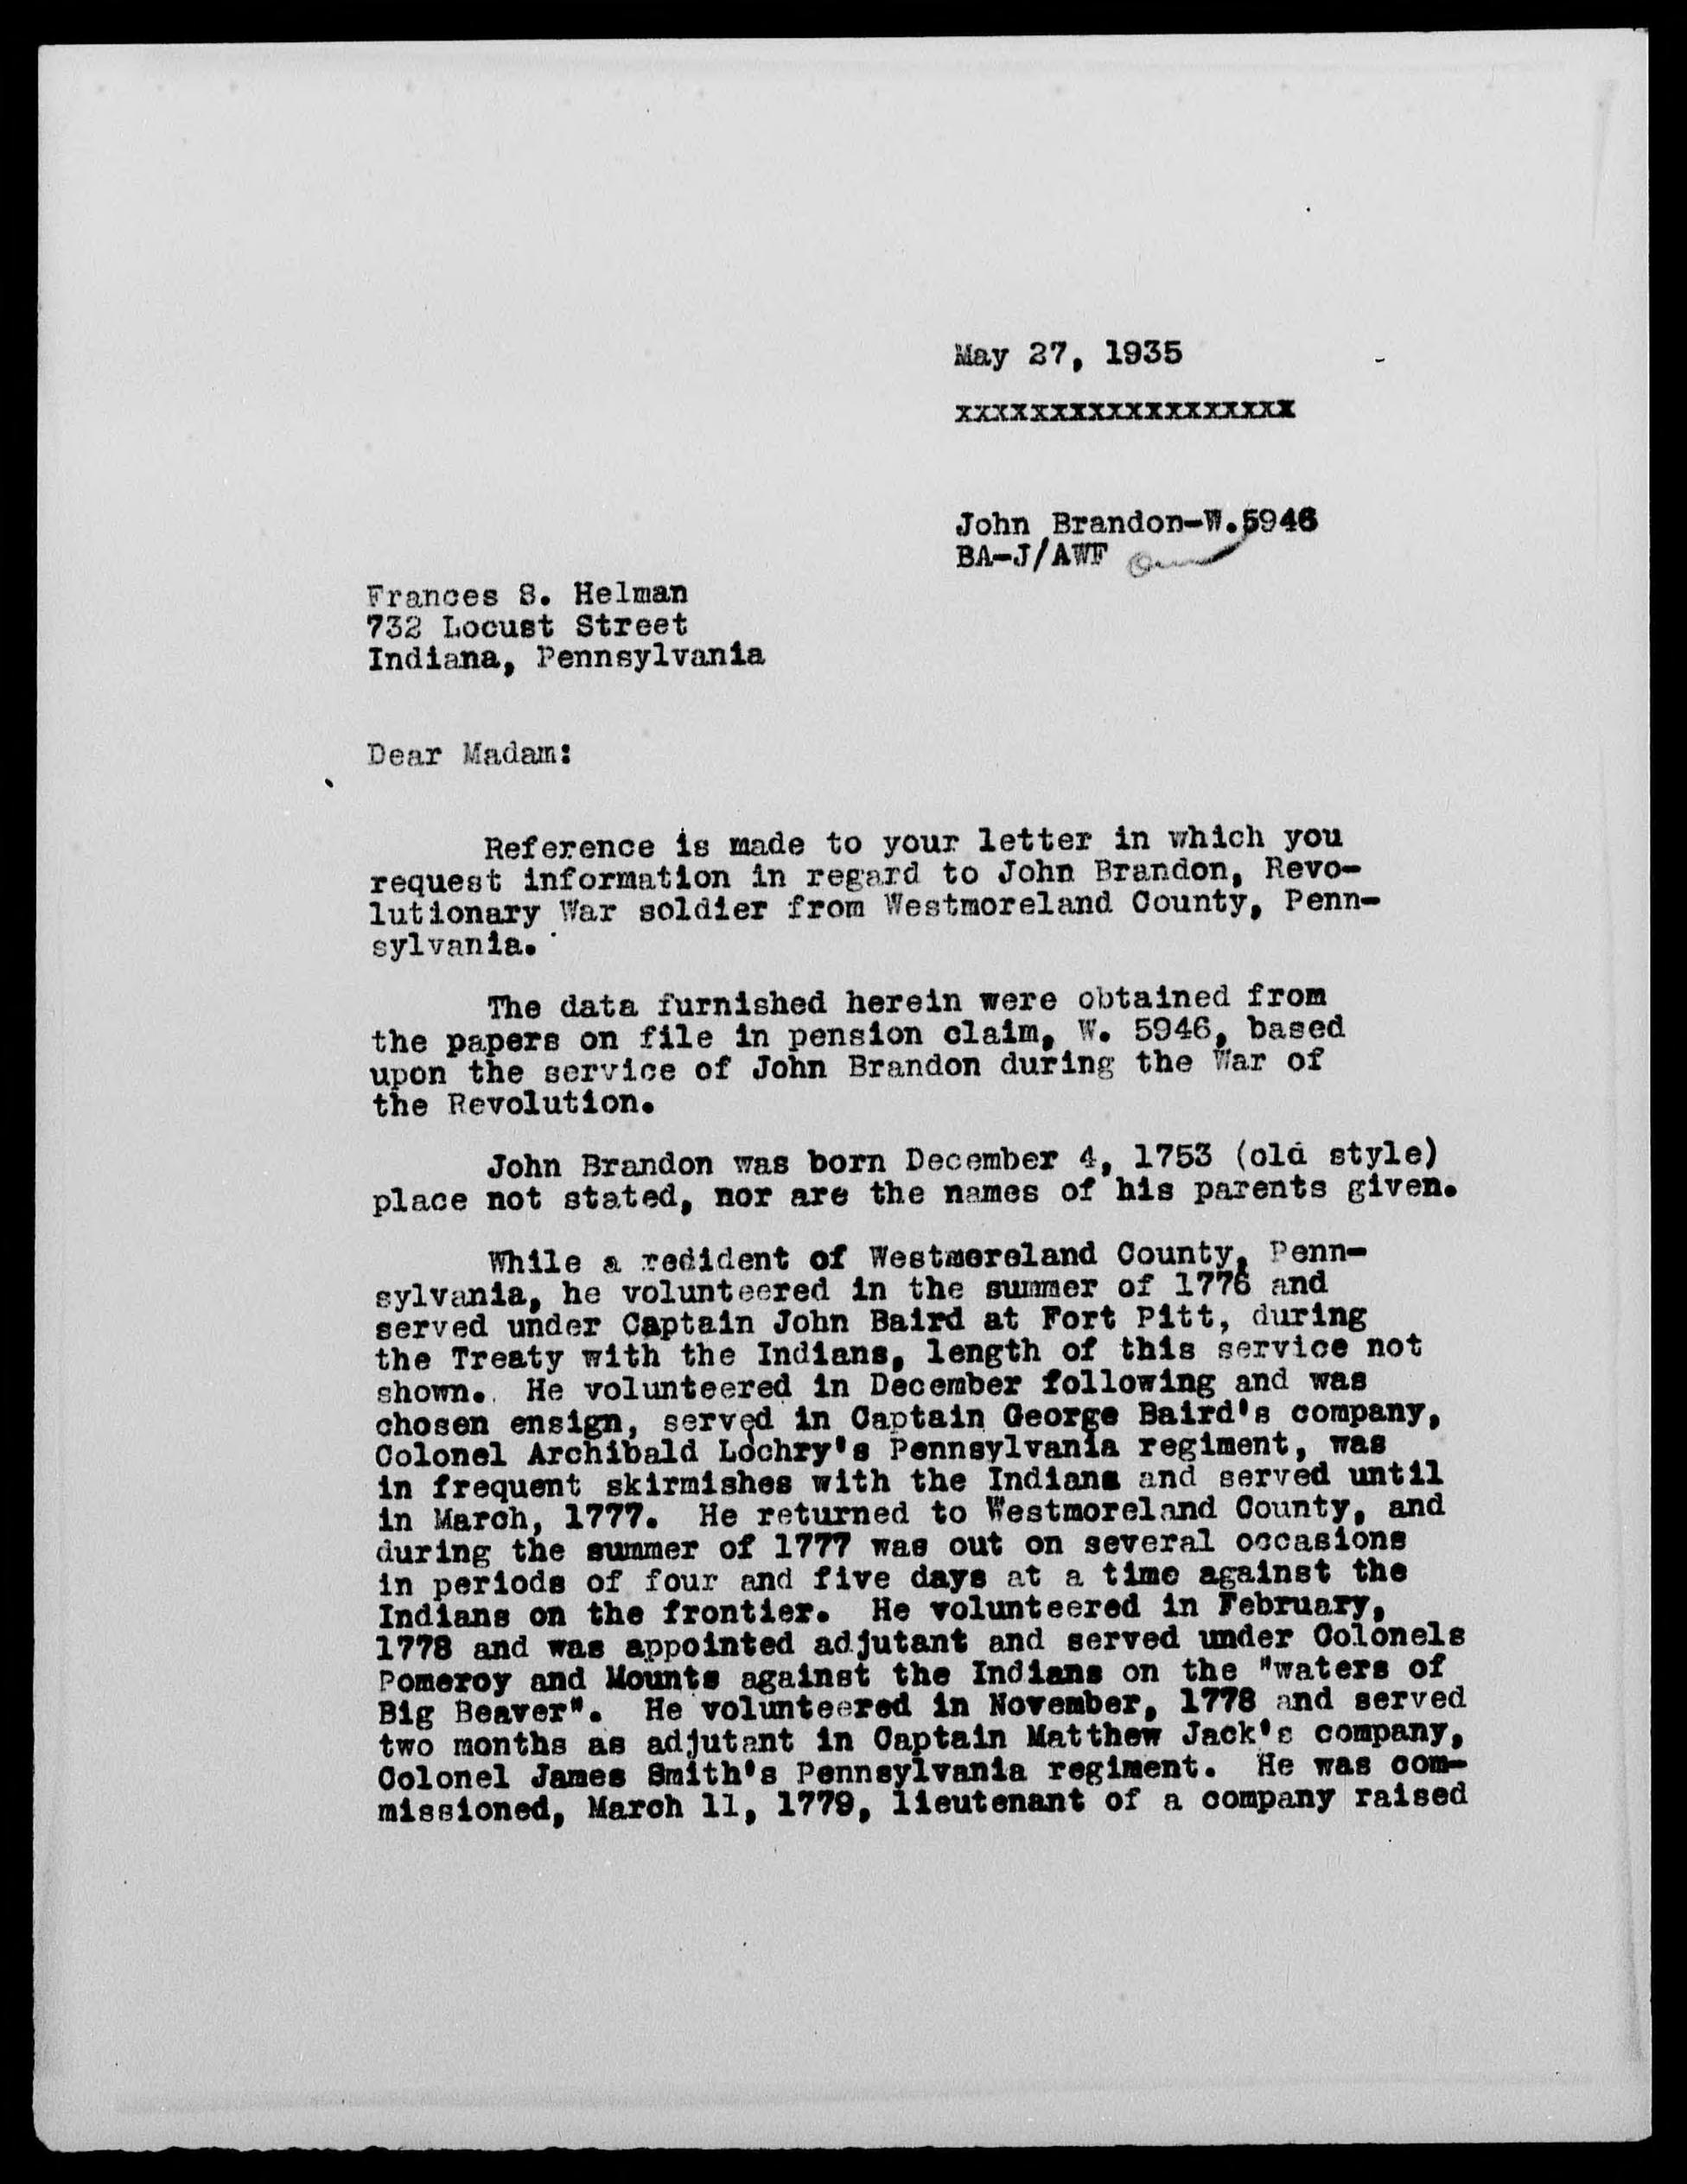May 27, 1935
xxxxxxxxxxxxxxxxxx

John Brandon-W.5946
BA-J/AWF

Frances S. Helman
732 Locust Street
Indiana, Pennsylvania

Dear Madam:

Reference is made to your letter in which you request information in regard to John Brandon, Revolutionary War soldier from Westmoreland County, Pennsylvania.

The data furnished herein were obtained from the papers on file in pension claim, W. 5946, based upon the service of John Brandon during the War of the Revolution.

John Brandon was born December 4, 1753 (old style) place not stated, nor are the names of his parents given.

While a resident of Westmoreland County, Pennsylvania, he volunteered in the summer of 1776 and served under Captain John Baird at Fort Pitt, during the Treaty with the Indians, length of this service not shown. He volunteered in December following and was chosen ensign, served in Captain George Baird's company, Colonel Archibald Lochry's Pennsylvania regiment, was in frequent skirmishes with the Indians and served until in March, 1777. He returned to Westmoreland County, and during the summer of 1777 was out on several occasions in periods of four and five days at a time against the Indians on the frontier. He volunteered in February, 1778 and was appointed adjutant and served under Colonels Pomeroy and Mounts against the Indians on the "waters of Big Beaver". He volunteered in November, 1778 and served two months as adjutant in Captain Matthew Jack's company, Colonel James Smith's Pennsylvania regiment. He was commissioned, March 11, 1779. lieutenant of a company raised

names: John Brandon, John Brandon, Pomeroy, John Brandon, John Brandon, John Baird, Frances S Helman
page: 12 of 83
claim: widow's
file: W. 5946, John Brandon, Penn